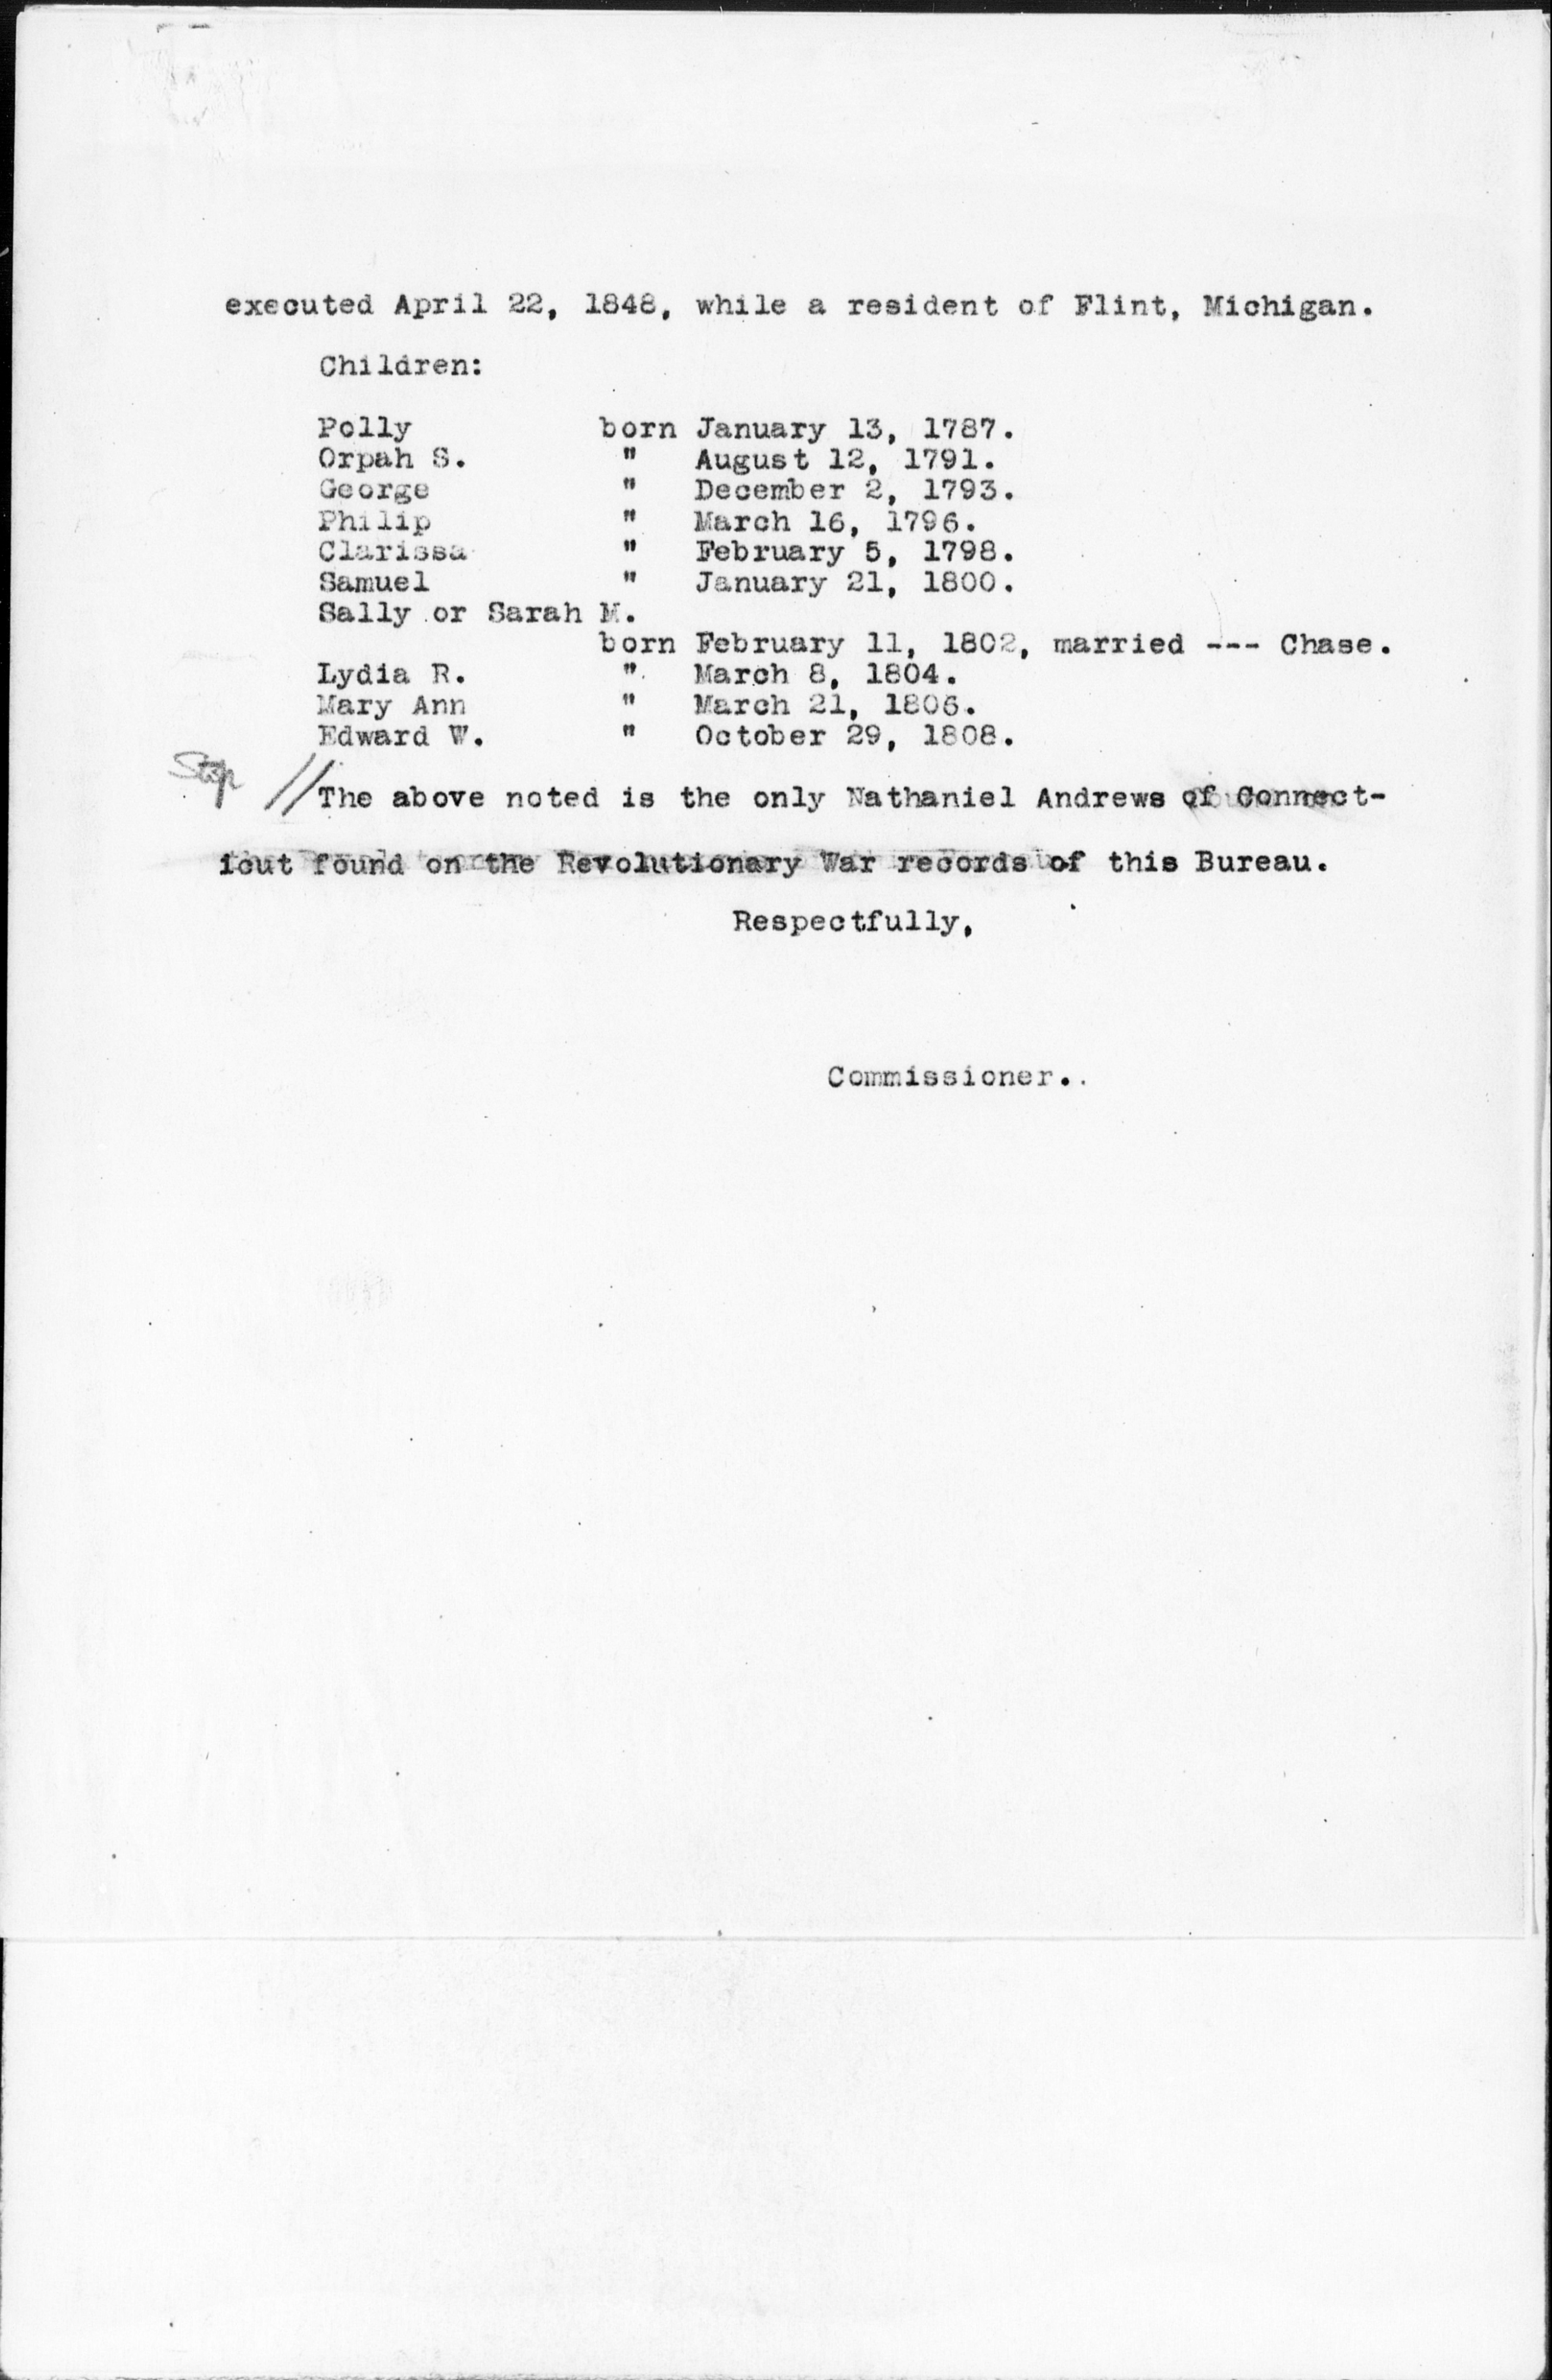executed April 22, 1848, while a resident of Flint, Michigan.
Children:
Polly born January 13, 1787.
Orpah S. "  August 12, 1791.
George " December 2, 1793.
Philip " March 16, 1796
Clarissa " February 5, 1798.
Samuel " January 21, 1800.
Sally or Sarah M.
born February 11, 1802, married - Chase.
Lydia R. " March 8, 1804.
Mary Ann " March 21, 1806.
Edward W. " October 29, 1808.
The above noted is the only Nathaniel Andrews of Connecticut
Found on the Revolutionary War records of 
this Bureau.
Respectfully,
Commissioner.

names: Sally, Sarah M, Nathaniel Andrews, Lydia R, Polly, Mary Ann, Samuel, Chase, George, Edward W, Orpah S, Philip, Clarissa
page: 76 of 78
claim: widow's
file: W. 4117, Nathaniel Bradley, Conn.